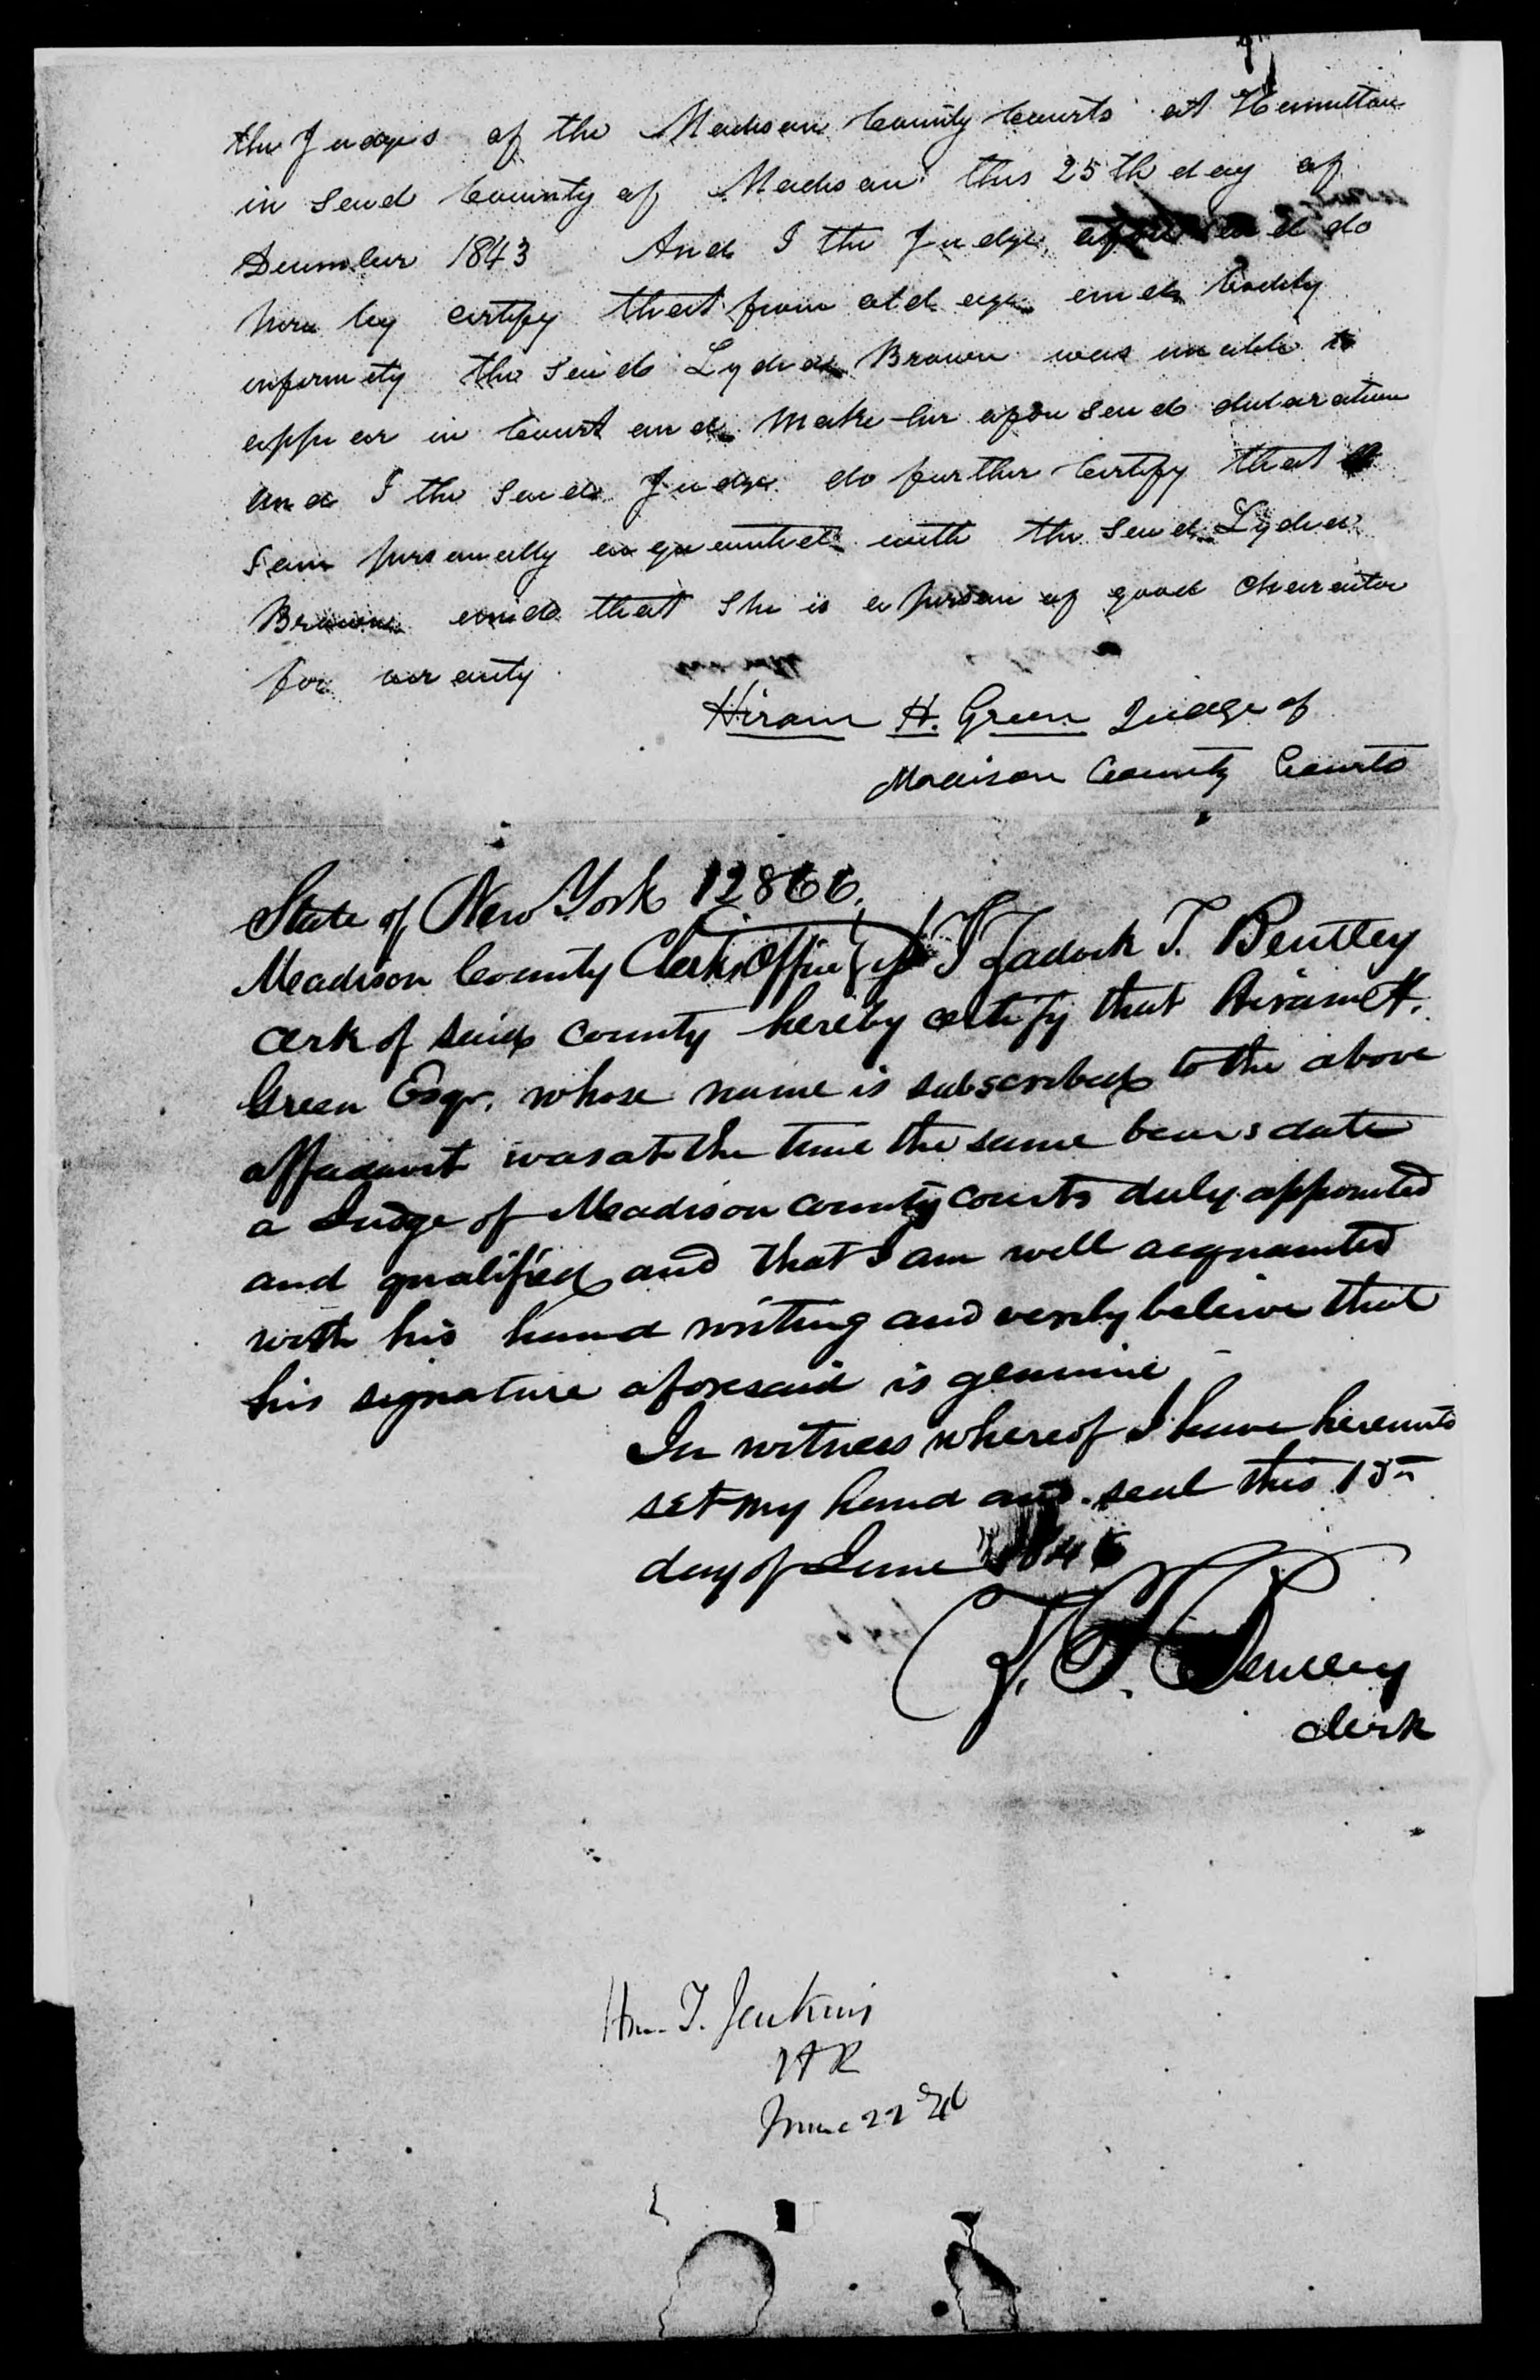the Judges of the Madison County Courts at Hamilton in said county of Madison this 25th day of December 1843. And I the judge do here by certify that from old age and bodily infirmity the said Lydia Brown was unable to appear in Court and make her aforesaid declaration and I the said Judge do further certify that I am personally acquainted with the said Lydia Brown and that she is a person of good character for veracity
Hiram H. Green Judge of 
Madison County Courts

State of New York 12866
Madison County Clerk's Office } Ss. 
I Zadock T. Bentley clrk of said county hereby certify that Hiram H. Green Esqr. whose name is subscribed to the above affadavit was at the time of the same bears date a Judge of Madison County Courts duly appointed and qualified and that I am well acquainted with his hand writing and verily believe that his signature aforesaid is genuine
In witness whereof I have hereunto set my hand and seal this 15th day of June 1846
Z.T. Bentley
Clerk

Hon T. Jenkins
AR
June 22nd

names: Z T Bentley, Lydia Brown, T Jenkins, Lydia Brown, Hiram H Green, Zadock T Bentley, Hiram H Green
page: 11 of 37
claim: widow's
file: W. 20,787, Daniel Brown, Conn. Navy.